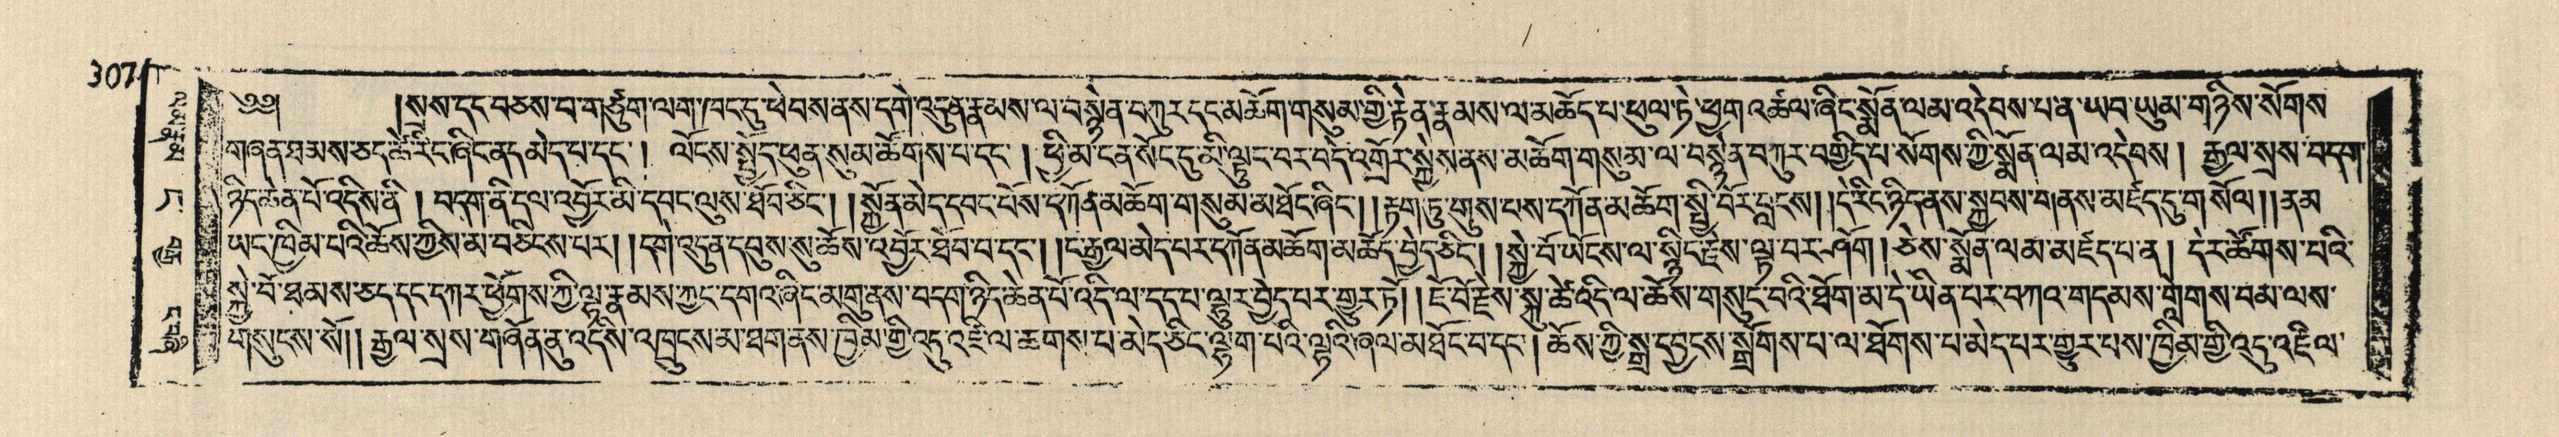༄༅། །སྲས་དང་བཅས་བ་གཙུག་ལག་ཁང་དུ་ཕེབས་ནས་དགེ་འདུན་རྣམས་ལ་བསྙེན་བཀུར་དང་མཆོག་གསུམ་གྱི་རྟེན་རྣམས་ལ་མཆོད་པ་ཕུལ་ཏེ་ཕྱག་འཚལ་ཞིང་སྨོན་ལམ་འདེབས་པ་ན་ཡབ་ཡུམ་གཉིས་སོགས་
གཞན་ཐམས་ཅད་ཚེ་རིང་ཞིང་ནད་མེད་པ་དང་། ལོངས་སྤྱོད་ཕུན་སུམ་ཚོགས་པ་དང་། ཕྱི་མ་ངན་སོང་དུ་མི་ལྟུང་བར་བདེ་འགྲོར་སྐྱེས་ནས་མཆོག་གསུམ་ལ་བསྙེན་བཀུར་བགྱིད་པ་སོགས་ཀྱི་སྨོན་ལམ་འདེབས། རྒྱལ་སྲས་བདག་
ཉིད་ཆེན་པོ་འདིས་ནི་།བདག་ནི་དལ་འབྱོར་མི་དབང་ལུས་ཐོབ་ཅིང་། །སྐྱོན་མེད་དབང་པོས་དཀོན་མཆོག་གསུམ་མཐོང་ཞིང་། །རྟག་ཏུ་གུས་པས་དཀོན་མཆོག་སྤྱི་བོར་བླངས། །དེ་རིང་ཉིད་ནས་སྐྱབས་གནས་མཛད་དུ་གསོལ། །ནམ་
ཡང་ཁྱིམ་པའི་ཆོས་ཀྱིས་མ་བཅིངས་པར། །དགེ་འདུན་དབུས་སུ་ཆོས་འབྱོར་ཐོབ་བ་དང་། །ང་རྒྱལ་མེད་པར་དཀོན་མཆོག་མཆོད་བྱེད་ཅིང་། །སྐྱེ་བོ་ཡོངས་ལ་སྙིང་རྗེས་ལྟ་བར་ཤོག། ཅེས་སྨོན་ལམ་མཛད་པ་ན། དེར་ཚོགས་པའི་
སྐྱེ་བོ་ཐམས་ཅད་དང་དཀར་ཕྱོགས་ཀྱི་ལྷ་རྣམས་ཀྱང་དགའ་ཞིང་མགུ་ནས་བདག་ཉིད་ཆེན་པོ་འདི་ལ་དད་པ་ལྷུར་བྱེད་པར་གྱུར་ཏོ། །ཇོ་བོ་རྗེས་སྐུ་ཚེ་འདི་ལ་ཆོས་གསུང་བའི་ཐོག་མ་དེ་ཡིན་པར་བཀའ་གདམས་གླེགས་བམ་ལས་
གསུངས་སོ། །རྒྱལ་སྲས་གཞོན་ནུ་འདིས་འཁྲུངས་མ་ཐག་ནས་ཁྱིམ་གྱི་འདུ་འཛི་ལ་ཆགས་པ་མེད་ཅིང་ལྷག་པའི་ལྷའི་ཞལ་མཐོང་བ་དང་། ཆོས་ཀྱི་སྒྲ་དབྱངས་སྒྲོགས་པ་ལ་ཐོགས་པ་མེད་པར་གྱུར་པས་ཁྱིམ་གྱི་འདུ་འཛིལ་